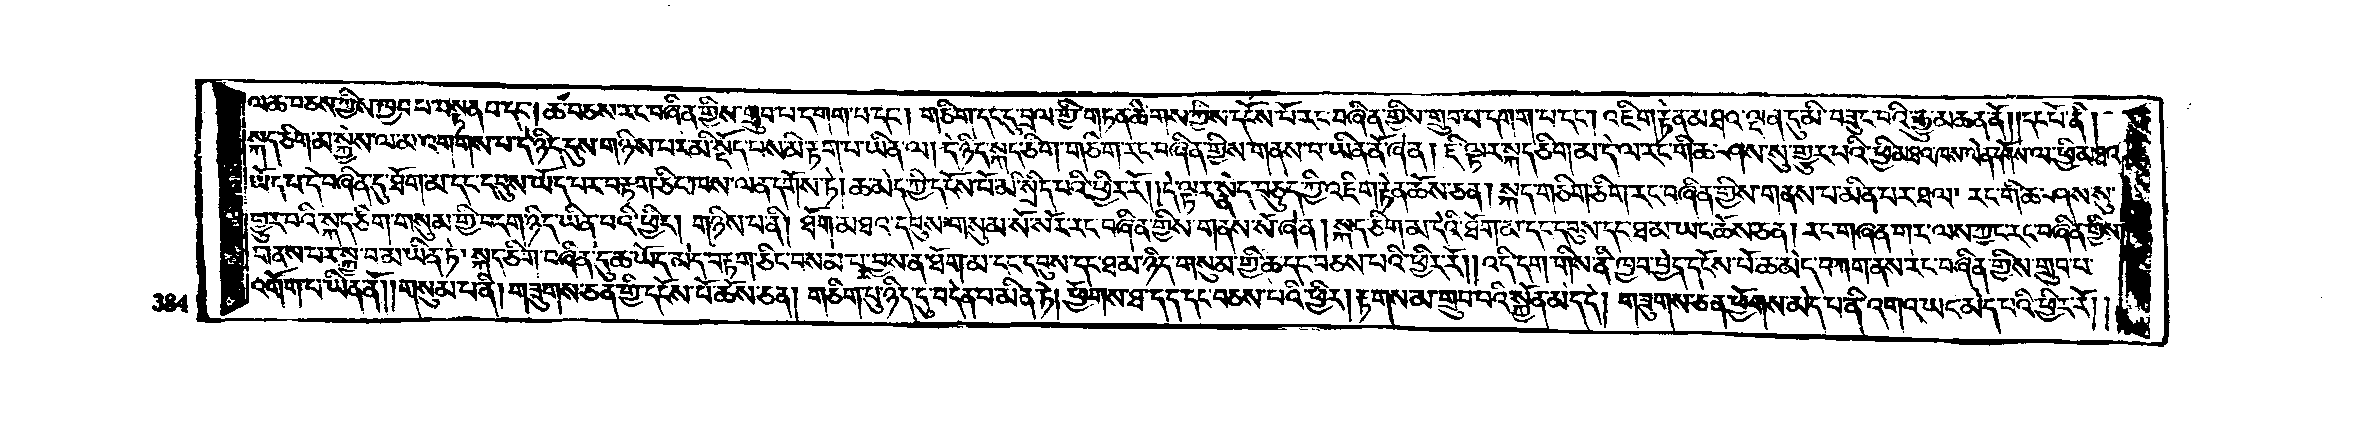ལ་ཆ་བཅས་ཀྱིས་ཁྱབ་པ་བསྟན་པ་དང་། ཚ་བཅས་རང་བཞིན་གྱིས་གྲུབ་པ་དགག་པ་དང་། གཅིག་དང་དུ་བྲལ་གྱི་གཏན་ཚིགས་ཀྱིས་དངོས་པོ་རང་བཞིན་གྱིས་གྲུབ་པ་དགག་པ་དང་། འཇིག་རྟེན་མཐའ་ལྡན་དུ་མི་བཟུང་བའི་རྒྱུ་མཚན་ནོ། །དང་པོ་ནི།
སྐད་ཅིག་མ་སྐྱེས་ལ་མ་འགགས་པ་དེ་ཉིད་དུས་གཉིས་པར་མི་སྡོད་པས་མི་རྟག་པ་ཡིན་ལ། དེ་ཉིད་སྐད་ཅིག་གཅིག་རང་བཞིན་གྱིས་གནས་པ་ཡིན་ནོ་ཞེ་ན། ཇི་ལྟར་སྐད་ཅིག་མ་དེ་ལ་རང་གི་ཆ་ཤས་སུ་གྱུར་པའི་ཕྱི་མཐའ་ཁས་ལེན་དགོས་ལ་ཕྱི་མཐའ་
ཡོད་པ་དེ་བཞིན་དུ་ཐོག་མ་དང་དབུས་ཡོད་པར་བརྟག་ཅིང་ཁས་ལན་དགོས་ཏེ། ཆ་མེད་ཀྱི་དངོས་པོ་མི་སྲིད་པའི་ཕྱིར་རོ། །དེ་ལྟར་སྣེད་བཅུད་ཀྱི་འཇིག་རྟེན་ཆོས་ཅན། སྐད་གཅིག་ཅིག་རང་བཞིན་གྱིས་གནས་པ་མིན་པར་ཐལ་རང་གི་ཆ་ཤས་སུ་
གྱུར་པའི་སྐད་ཅིག་གསུམ་གྱི་བདག་ཉིད་ཡིན་པའི་ཕྱིར། གཉིས་པ་ནི། ཐོག་མཐའ་དབུས་གསུམ་སོ་སོར་རང་བཞིན་གྱིས་གནས་སོ་ཞེ་ན། སྐད་ཅིག་མ་དེའི་ཐོག་མ་དང་དབུས་དང་ཐ་མ་ཡང་ཆོས་ཅན། རང་བཞན་གར་ལས་ཀྱང་རང་བཞིན་གྱིས་
གནས་པར་སྐྱེ་བ་མ་ཡིན་ཏེ། སྐད་ཅིག་བཞིན་དུ་ཆ་ཡོད་མེད་བརྟག་ཅིང་བསམ་པ་བྱས་ན་ཐོག་མ་དང་དབུས་དང་ཐ་མ་ཉིད་གསུམ་གྱི་ཆ་དང་བཅས་པའི་ཕྱིར་རོ། །འདི་དག་གིས་ནི་ཁྱབ་བྱེད་དངོས་པོ་ཆ་མེད་བཀག་ནས་རང་བཞིན་གྱིས་གྲུབ་པ་
འགོག་པ་ཡིན་ནོ། །གསུམ་པ་ནི། གཟུགས་ཅན་གྱི་དངོས་པོ་ཆོས་ཅན། གཅིག་པུ་ཉིད་དུ་བདེན་པ་མིན་ཏེ། ཕྱོགས་ཐ་དད་དང་བཅས་པའི་ཕྱིར། རྟགས་མ་གྲུབ་པའི་སྐྱོན་མེད་དེ། གཟུགས་ཅན་ཕྱོགས་མེད་པ་ནི་འགའ་ཡང་མེད་པའི་ཕྱིར་རོ། །